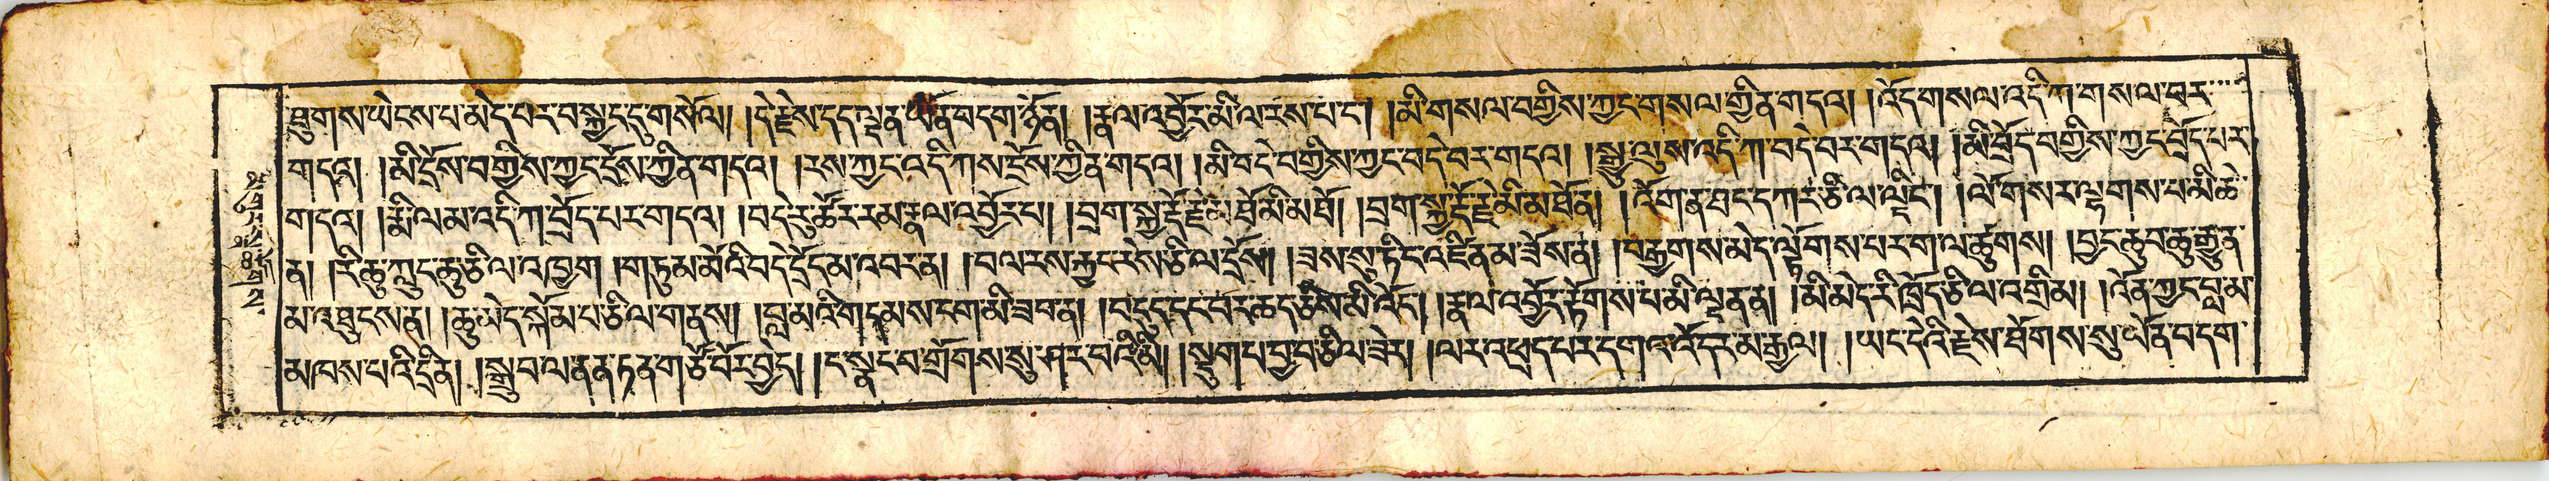ཐུགས་ཡེངས་པ་མེད་པར་བསྐྱང་དུ་གསོལ། །དེ་རྗེས་དད་ལྡན་ཡོན་བདག་ཉོན། །རྣལ་འབྱོར་མི་ལ་རས་པ་ང་། །མི་གསལ་བགྱིས་ཀྱང་གསལ་གྱིན་གདའ། །འོད་གསལ་འདི་ཀ་གསལ་བར་
གདའ། །མི་དྲོས་བགྱིས་ཀྱང་དྲོས་ཀྱིན་གདའ། །རས་རྐྱང་འདི་ཀས་དྲོས་ཀྱིན་གདའ། །མི་བདེ་བགྱིས་ཀྱང་བདེ་བར་གདའ། །སྒྱུ་ལུས་འདི་ཀ་བདེ་བར་གདའ། །མི་བྲོད་བགྱིས་ཀྱང་བྲོད་པར་
གདའ། །རྨི་ལམ་འདི་ཀ་བྲོད་པར་གདའ། །བདེ་རུ་ཚོར་རམ་རྣལ་འབྱོར་པ། །བྲག་སྐྱ་རྡོ་རྗེ་མཐོ་མི་མཐོ། །བྲག་སྐྱ་རྡོ་རྗེ་མི་མཐོ་ན། །འོག་ན་ཐང་དཀར་ཅི་ལ་ལྡིང་། །ལོ་གསར་ལྷགས་པ་མི་ཆེ་
ན། །རི་ཆུ་ཀླུང་ཆུ་ཅི་ལ་འཁྱག །གཏུམ་མོའི་བདེ་དྲོད་མ་འབར་ན། །བལ་རས་རྐྱང་རས་ཅི་ལ་དྲོས། །ཟས་སུ་ཏིང་འཛིན་མ་ཟོས་ན། །བརྒྱགས་མེད་ལྟོགས་པར་ག་ལ་ཚུགས། །བྱང་ཆུབ་ཆུ་རྒྱུན་
མ་འཐུངས་ན། །ཆུ་མེད་སྐོམ་པ་ཅི་ལ་གནས། །བླ་མའི་གདམས་ངག་མི་ཟབ་ན། །བདུད་དང་བར་ཆད་ཅིས་མི་འོང་། །རྣལ་འབྱོར་རྟོགས་པ་མི་ལྡན་ན། །མི་མེད་རི་ཁྲོད་ཅི་ལ་འགྲིམ། །འོན་ཀྱང་བླ་མ་
མཁས་པའི་དྲིན། །སྒྲུབ་ལ་ནན་ཏན་གཙོ་བོར་བྱེད། །ང་སྣང་བ་གྲོགས་སུ་ཤར་བའི་མི། །སྡུག་པ་བྱ་བ་ཅི་ལ་ཟེར། །ལར་འཕྲད་པར་དགའ་འོ་དར་མ་རྒྱལ། །ཡང་དེའི་རྗེས་ཐོགས་སུ་ཡོན་བདག་